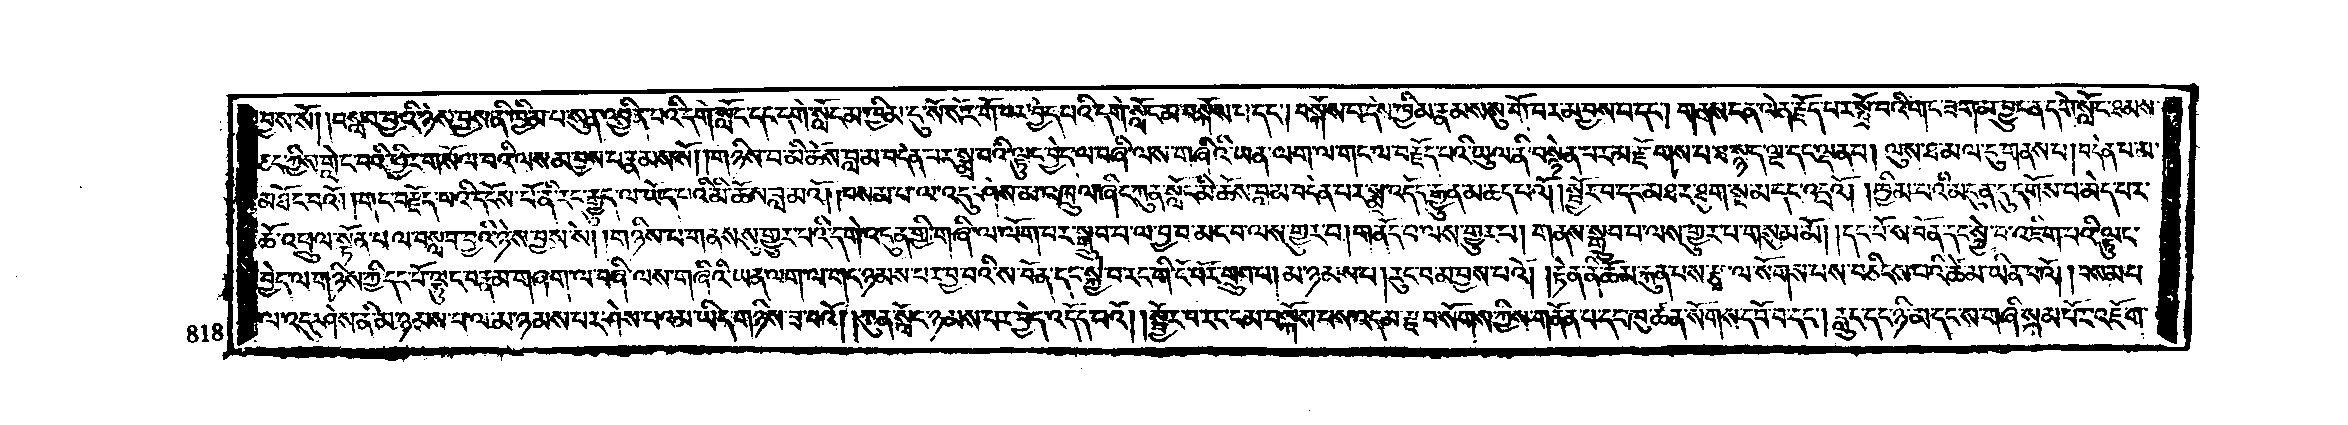བྱས་སོ། །བསླབ་བྱའི་ཉེས་བྱས་ནི་ཁྱིམ་པ་སུན་འབྱིན་པའི་དགེ་སློང་དང་དགེ་སློང་མ་ཁྱིམ་དུ་སོ་སོར་གོ་བར་བྱེད་པའི་དགེ་སློང་མ་བསྐོས་པ་དང་། བསྐོས་པ་དེས་ཁྱིམ་རྣམས་སུ་གོ་བར་མ་བྱས་པ་དང་། གནས་ངན་ལེན་རྗོད་པར་སྤྲོ་བའི་གང་ཟག་མ་བྱུང་ན་དགེ་སློང་ཐམས་
ཅད་ཀྱིས་གླེང་བའི་ཕྱིར་གསོལ་བའི་ལས་མ་བྱས་པ་རྣམས་སོ། །གཉིས་པ་མི་ཆོས་བླ་མ་བདེན་པར་སྨྲ་བའི་ལྟུང་བྱེད་ལ་བཞི་ལས་གཞིའི་ཡན་ལག་ལ་གང་ལ་བརྗོད་པའི་ཡུལ་ནི་བསྙེན་པར་མ་རྫོགས་པ་ཐ་སྙད་ལྔ་དང་ལྡན་པ། ལུས་ཐ་མལ་དུ་གནས་པ། བདེན་པ་མ་
མཐོང་བའོ། །གང་བརྗོད་པའི་དངོས་པོ་ནི་རང་རྒྱུད་ལ་ཡོད་པའི་མི་ཆོས་བླ་མའོ། །བསམ་པ་ལ་འདུ་ཤེས་མ་འཁྲུལ་ཞིང་ཀུན་སློང་མི་ཆོས་བླ་མ་བདེན་པར་སྨྲ་འདོད་རྒྱུན་མ་ཆད་པའོ། །སྦྱོར་བ་དང་མཐར་ཐུག་སྔ་མ་དང་འདྲའོ། །ཁྱིམ་པའི་མདུན་དུ་དགོས་པ་མེད་པར་
ཆོ་འཕྲུལ་སྟོན་པ་ལ་བསླབ་བྱའི་ཉེས་བྱས་སོ། །གཉིས་པ་གནས་སུ་གྱུར་པའི་དགེ་འདུན་གྱི་གཞི་ལ་ལོག་པར་སྒྲུབ་པ་ལ་བྱ་བ་མང་བ་ལས་གྱུར་པ། གནོད་པ་ལས་གྱུར་པ། གནས་སྒྲུབ་པ་ལས་གྱུར་པ་གསུམ་མོ། །དང་པོ་ས་བོན་དང་སྐྱེ་བ་འཇིག་པའི་ལྟུང་
བྱེད་ལ་གཉིས་ཀྱི་དང་པོ་ལྟུང་བ་རྣམ་གཞག་ལ་བཞི་ལས་གཞིའི་ཡན་ལག་ལ་གང་ཉམས་པར་བྱ་བའི་ས་བོན་དང་སྐྱེ་བ་རང་གི་ངོ་བོར་གྲུབ་པ། མ་ཉམས་པ། རུང་བ་མ་བྱས་པའོ། །རྟེན་ནི་ཆོམ་རྐུན་པས་རྩྭ་ལ་སོགས་པས་བཅིངས་པའི་ཚེ་མ་ཡིན་པའོ། །བསམ་པ་
ལ་འདུ་ཤེས་ནི་མ་ཉམས་པ་ལ་མ་ཉམས་པར་ཤེས་པའམ་ཡིད་གཉིས་ཟ་བའོ། །ཀུན་སློང་ཉམས་པར་བྱེད་འདོད་པའོ། །སྦྱོར་བ་རང་ངམ་བསྐོས་པས་འདམ་རྫབ་སོགས་ཀྱིས་གནོན་པ་དང་ཁུ་ཚན་སོགས་དཔོ་བ་དང་། རླུང་དང་ཉི་མ་དང་ས་བཞི་སྐམ་པོར་འཇོ་